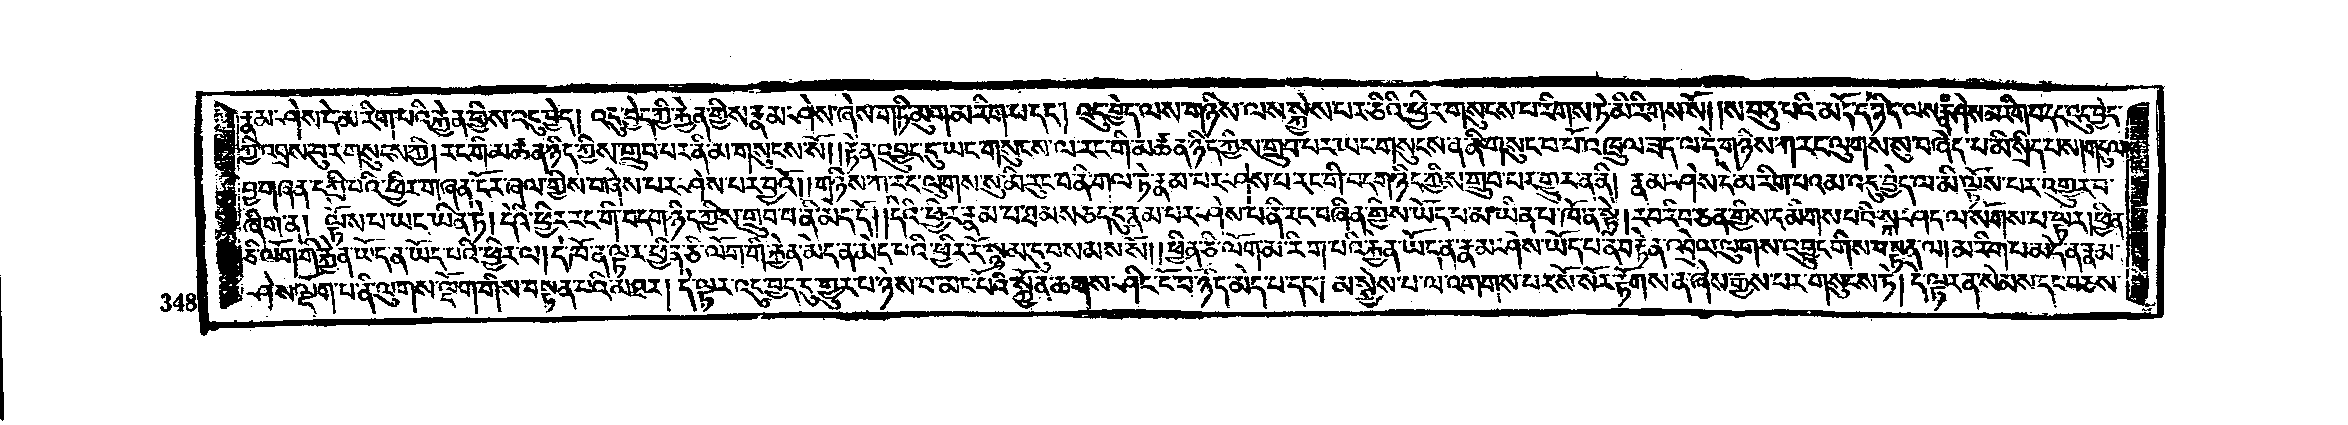རྣམ་ཤེས་དེ་མ་རིག་པའི་རྐྱེན་གྱིས་འདུ་བྱེད། འདུ་བྱེད་ཀྱི་རྐྱེན་གྱིས་རྣམ་ཤེས་ཞེས་གཏི་མུག་མ་རིག་པ་དང་། འདུ་བྱེད་ལས་གཉིས་ལས་སྐྱེས་པར་ཅིའི་ཕྱིར་གསུངས་པ་རིགས་ཏེ་མི་རིགས་སོ། །ས་བཅུ་པའི་མདོ་དེ་ཉིད་ལས་རྣམ་ཤེས་མ་རིག་པ་དང་འདུ་བྱེད་
ཀྱི་འབྲས་བུར་གསུངས་ཀྱི། རང་གི་མཚན་ཉིད་ཀྱིས་གྲུབ་པར་ནི་མ་གསུངས་སོ། །རྟེན་འབྱུང་དུ་ཡང་གསུངས་ལ་རང་གི་མཚན་ཉིད་ཀྱིས་གྲུབ་པར་ཡང་གསུངས་ན་ནི་གསུང་བ་པོ་འཁྲུལ་ཟད་ལ་དེ་གཉིས་ཀ་རང་ལུགས་སུ་བཞེད་པ་མི་སྲིད་པས། གདུལ་
བྱ་གཞན་དཀྲི་པའི་ཕྱིར་གཞན་ངོར་ཞལ་གྱིས་བཞེས་པར་ཤེས་པར་བྱའོ། །གཉིས་ཀ་རང་ལུགས་སུ་མི་རུང་བ་ནི་གལ་ཏེ་རྣམ་པར་ཤེས་པ་རང་གི་བདག་ཉིད་ཀྱིས་གྲུབ་པར་གྱུར་ན་ནི། རྣམ་ཤེས་དེ་མ་རིག་པའམ་འདུ་བྱེད་ལ་མི་ལྟོས་པར་འགྱུར་བ་
ཞིག་ན། ལྟོས་པ་ཡང་ཡིན་ཏེ། དེའི་ཕྱིར་རང་གི་བདག་ཉིད་ཀྱིས་གྲུབ་པ་ནི་མེད་དོ། །དེའི་ཕྱིར་རྣམ་པ་ཐམས་ཅད་དུ་རྣམ་པར་ཤེས་པ་ནི་རང་བཞིན་གྱིས་ཡོད་པ་མ་ཡིན་པ་ཁོ་ན་སྟེ། རབ་རིབ་ཅན་གྱིས་དམིགས་པའི་སྐྲ་ཤད་ལ་སོགས་པ་ལྟར། ཕྱིན་
ཅི་ལོག་གི་རྐྱེན་ཡོད་ན་ཡོད་པའི་ཕྱིར་ལ། དེ་ཁོ་ན་ལྟར་ཕྱིན་ཅི་ལོག་གི་རྐྱེན་མེད་ན་མེད་པའི་ཕྱིར་རོ་སྙམ་དུ་བསམས་སོ། །ཕྱིན་ཅི་ལོག་མ་རིག་པའི་རྐྱེན་ཡོད་ན་རྣམ་ཤེས་ཡོད་པ་ནི་བརྟེན་འབྲེལ་ལུགས་འབྱུང་གིས་བསྟན་ལ། མ་རིག་པ་མེད་ན་རྣམ་
ཤེས་ལྡོག་པ་ནི་ལུགས་ལྡོག་གིས་བསྟན་པའི་མཐར། དེ་ལྟར་འདུ་བྱེད་དུ་གྱུར་པ་ཉེས་པ་མང་པོའི་སྐྱོན་ཆགས་ཤིང་ངོ་བོ་ཉིད་མེད་པ་དང་། མ་སྐྱེས་པ་ལ་འགགས་པར་སོ་སོར་རྟོགས་ན་ཞེས་རྒྱས་པར་གསུངས་ཏེ། དེ་ལྟར་ན་སེམས་དང་བཅས་